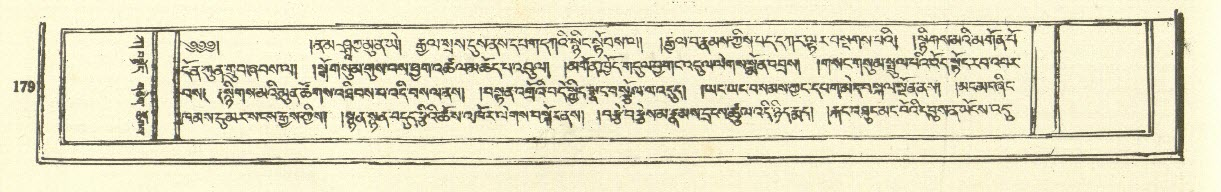༄༅༅། །ནམ་ཤཱཀྱ་ཀྱ་མུ་ན་ཡེ། རྒྱལ་སྲས་དུས་ནས་དཔག་དཀའི་སྙིང་སྟོབས་ལ། །རྒྱལ་བ་རྣམས་ཀྱིས་པད་དཀར་ལྟར་བསྔགས་པའི། །སྙིགས་མའི་མགོན་པོ་
དོན་ཀུན་གྲུབ་ཞབས་ལ། །གོ་གསུམ་གུས་པས་ཕྱག་འཚལ་མཆོད་པ་འབུལ། །མགོན་ཁྱོད་གདུལ་བྱ་གང་འདུལ་ལེགས་སྨོན་འབྲས། །གསང་གསུམ་སྤྲུལ་བའི་འོད་སྟོང་རབ་འབར་
བས། །སྙིགས་མའི་མུན་ཚོགས་འཐིབས་པ་འདི་བསལ་ནས། །བསྟན་འགྲོའི་བདེ་སྐྱིད་སྣང་བསྩོལ་ལ་འདུད། །ཡང་ཡང་བསམས་ཀྱང་དཔག་མེད་བསྐལ་སྔོན་ནས། །མངམ་བཞིང་
ཁམས་དུ་མར་སངས་རྒྱས་ཀྱིས། །སྙན་སྙན་བདུད་རྩིའི་ཆོས་འཁོར་ལེགས་བསྐོར་ནས། །བརྩེ་བརྩེས་མ་རྣམས་དྲངས་ཚུལ་འདི་ཉིད་རྨད། །རྐང་འཐུང་མང་པོའི་དབུས་ན་ཡོངས་འདུ་